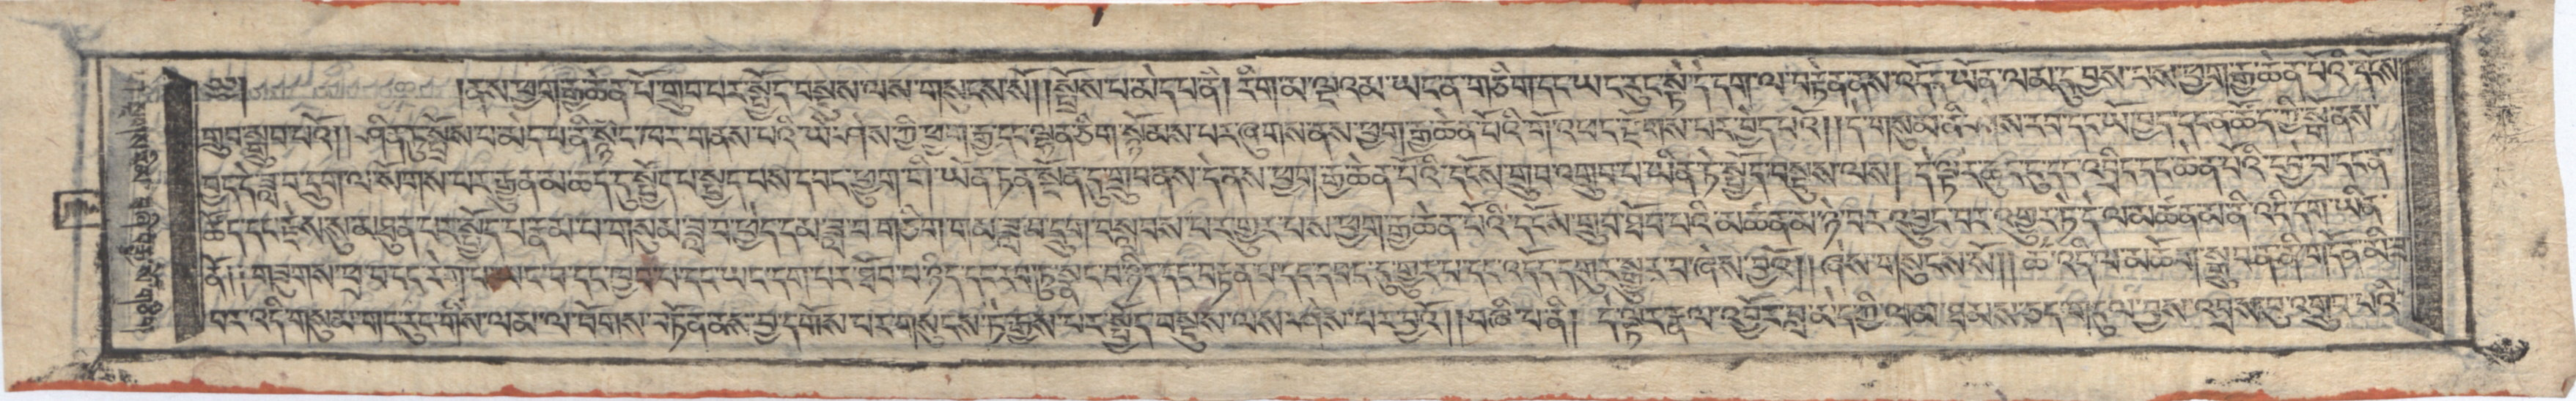༄༅། །ནས་ཕྱག་རྒྱ་ཆེན་པོ་གྲུབ་པར་སྤྱོད་བསྡུས་ལས་གསུངས་སོ། །སྤྲོས་པ་མེད་པ་ནི། རིག་མ་ལྔའམ་ཡང་ན་གཅིག་དང་ཡང་རུང་སྟེ་དེ་དག་ལ་བརྟེན་ནས་འདོད་ཡོན་ལམ་དུ་བྱས་པས་ཕྱག་རྒྱ་ཆེན་པོའི་དངོས་
གྲུབ་སྒྲུབ་པའོ། །ཤིན་ཏུ་སྤྲོས་པ་མེད་པ་ནི་སྙིང་ཁར་གནས་པའི་ཡེ་ཤེས་ཀྱི་ཕྱག་རྒྱ་དང་ལྷན་ཅིག་སྙོམས་པར་ཞུགས་ནས་ཕྱག་རྒྱ་ཆེན་པོའི་གོ་འཕང་རྫོགས་པར་བྱེད་པའོ། །དེ་གསུམ་ནི་ཤེས་རབ་དང་ཡོ་བྱད་དང་ན་ཚོད་ཀྱི་སྒོ་ནས་
བྱད་དེ་ཟླ་བ་དྲུག་ལ་སོགས་པར་རྒྱུན་མ་ཆད་དུ་སྤྱོད་པ་སྤྱད་པས་དབང་ཕྱུག་གི་ཡོན་ཏན་སྔོན་དུ་གྲུབ་ནས་དེ་ནས་ཕྱག་རྒྱ་ཆེན་པོའི་དངོས་གྲུབ་འགྲུབ་པ་ཡིན་ཏེ་སྤྱོད་བསྡུས་ལས། དེ་ལྟར་ཆུང་ངུ་དང་འབྲིང་དང་ཆེན་པོའི་དབྱེ་བ་དང་ན་
ཚོད་དང་རྗེས་སུ་མཐུན་པར་སྤྱོད་པ་རྣམ་པ་གསུམ་ཟླ་བ་ཕྱེད་དམ་ཟླ་བ་གཅིག་གམ་ཟླ་བ་དྲུག་བསླབས་པར་གྱུར་པས་ཕྱག་རྒྱ་ཆེན་པོའི་དངོས་གྲུབ་ཐོབ་པའི་མཚན་མ་ཉེ་བར་འབྱུང་བར་འགྱུར་ཏེ་དེ་ལ་མཚན་མ་ནི་འདི་དག་ཡིན་
ནོ། །གཟུགས་ཕྲ་བ་དང་རེག་པ་ཡང་བ་དང་ཁྱབ་པ་དང་ཡང་དག་པར་ཐོབ་པ་ཉིད་དང་རབ་ཏུ་སྣང་བ་ཉིད་དང་བརྟན་པ་དང་དབང་དུ་གྱུར་པ་དང་འདོད་དགུར་སྒྱུར་བ་ཞེས་བྱའོ། །ཞེས་གསུངས་སོ། །ཚེ་འདི་ལ་མཆོག་སྒྲུབ་ན་ནི་གདོན་མི་ཟ་
བར་འདི་གསུམ་གང་རུང་གིས་ལམ་ལ་བོགས་བཏོན་ནས་བྱ་དགོས་པར་གསུངས་ཏེ་རྒྱས་པར་སྤྱོད་བསྡུས་ལས་ཤེས་པར་བྱའོ། །བཞི་པ་ནི། དེ་ལྟར་རྣལ་འབྱོར་བླ་མེད་ཀྱི་ལམ་ཐམས་ཅད་གདུལ་བྱས་འབྲས་བུ་འགྲུབ་པའི་